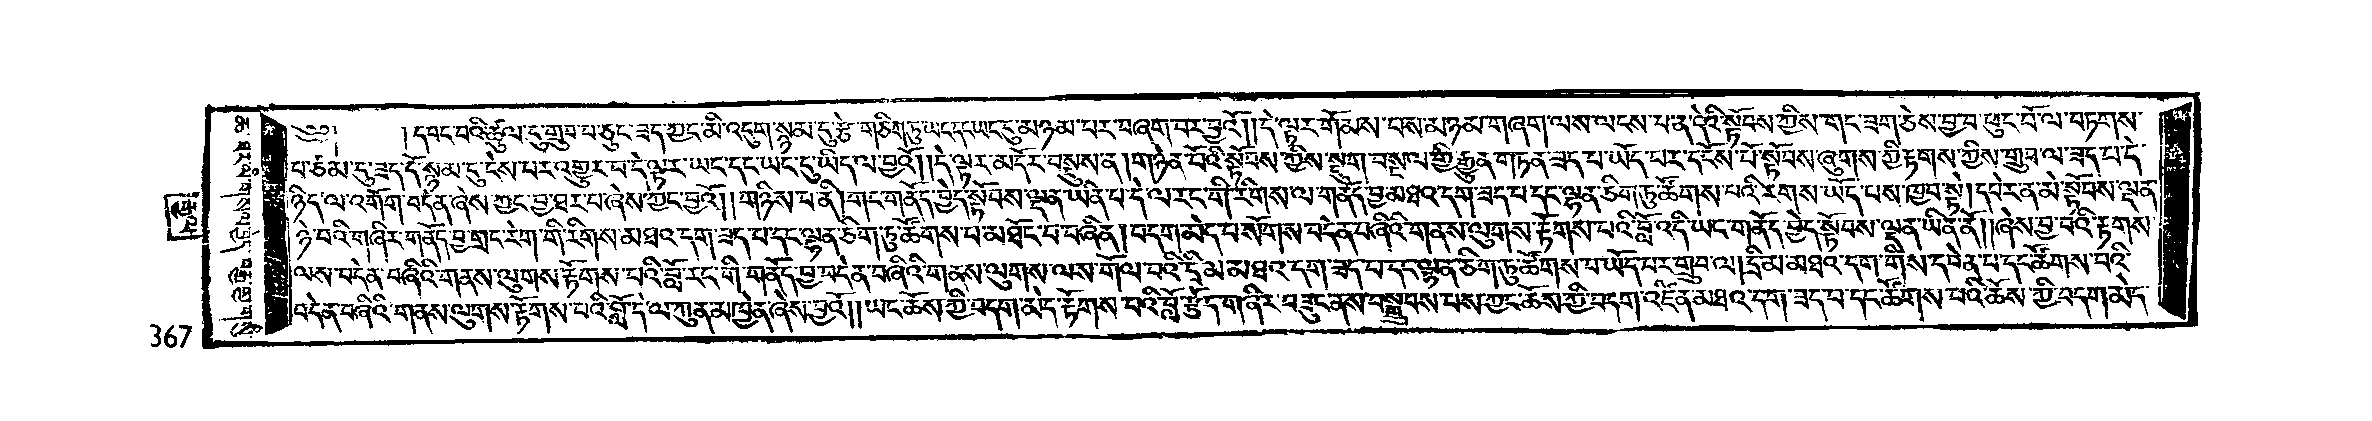༄༅། །དབང་བའི་ཚུལ་དུ་གྲུབ་པ་ཅུང་ཟད་ཀྱང་མི་འདུག་སྙམ་དུ་རྩེ་གཅིག་ཏུ་ཡང་དང་ཡང་དུ་མཉམ་པར་བཞག་པར་བྱའོ། །དེ་ལྟར་གོམས་པས་མཉམ་གཞག་ལས་ལངས་པ་ན་དེའི་སྟོབས་ཀྱིས་གང་ཟག་ཅེས་བྱ་བ་ཕུང་པོ་ལ་བཏགས་
པ་ཙམ་དུ་ཟད་དོ་སྙམ་དུ་ངེས་པར་འགྱུར་བ་དེ་ལྟར་ཡང་དང་ཡང་དུ་ཡིད་ལ་བྱའོ། །དེ་ལྟར་མདོར་བསྡུས་ན། གཉེན་པོའི་སྟོབས་ཀྱིས་སྡུག་བསྔལ་གྱི་རྒྱུན་གཏན་ཟད་པ་ཡོད་པར་དངོས་པོ་སྟོབས་ཞུགས་ཀྱི་རྟགས་ཀྱིས་གྲུབ་ལ་ཟད་པ་དེ་
ཉིད་ལ་འགོག་བདེན་ཞེས་ཀྱང་བྱ་ཐར་པ་ཞེས་ཀྱང་བྱའོ། །གཉིས་པ་ནི། གང་གནོད་བྱེད་སྟོབས་ལྡན་ཡིན་པ་དེ་ལ་རང་གི་རིགས་ལ་གནོད་བྱ་མཐའ་དག་ཟད་པ་དང་ལྷན་ཅིག་ཏུ་ཚོགས་པའི་རགས་ཡོད་པས་ཁྱབ་སྟེ། དཔེར་ན་མེ་སྟོབས་ལྡན་
ཉེ་བའི་གཞིར་གནོད་བྱ་གྲང་རེག་གི་རིགས་མཐའ་དག་ཟད་པ་དང་ལྷན་ཅིག་ཏུ་ཚོགས་པ་མཐོང་བ་བཞིན། བདག་མེད་པ་སོགས་བདེན་བཞིའི་གནས་ལུགས་རྟོགས་པའི་བློ་འདི་ཡང་གནོད་བྱེད་སྟོབས་ལྡན་ཡིན་ནོ། །ཞེས་བྱ་བའི་རྟགས་
ལས་བདེན་བཞིའི་གནས་ལུགས་རྟོགས་པའི་བློ་རང་གི་གནོད་བྱ་བདེན་བཞིའི་གནས་ལུགས་ལས་གོལ་བའི་དྲི་མ་མཐའ་དག་ཟད་པ་དང་ལྷན་ཅིག་ཏུ་ཚོགས་པ་ཡོད་པར་གྲུབ་ལ། དྲི་མ་མཐའ་དག་གིས་དབེན་པ་དང་ཚོགས་པའི་
བདེན་བཞིའི་གནས་ལུགས་རྟོགས་པའི་བློ་དེ་ལ་ཀུན་མཁྱེན་ཞེས་བྱའོ། །ཡང་ཆོས་ཀྱི་བདག་མེད་རྟོགས་པའི་བློ་རྩོད་གཞིར་བཟུང་ནས་བསྒྲུབས་པས་ཀྱང་ཆོས་ཀྱི་བདག་འཛིན་མཐའ་དག་ཟད་པ་དང་ཚོགས་པའི་ཆོས་ཀྱི་བདག་མེད་